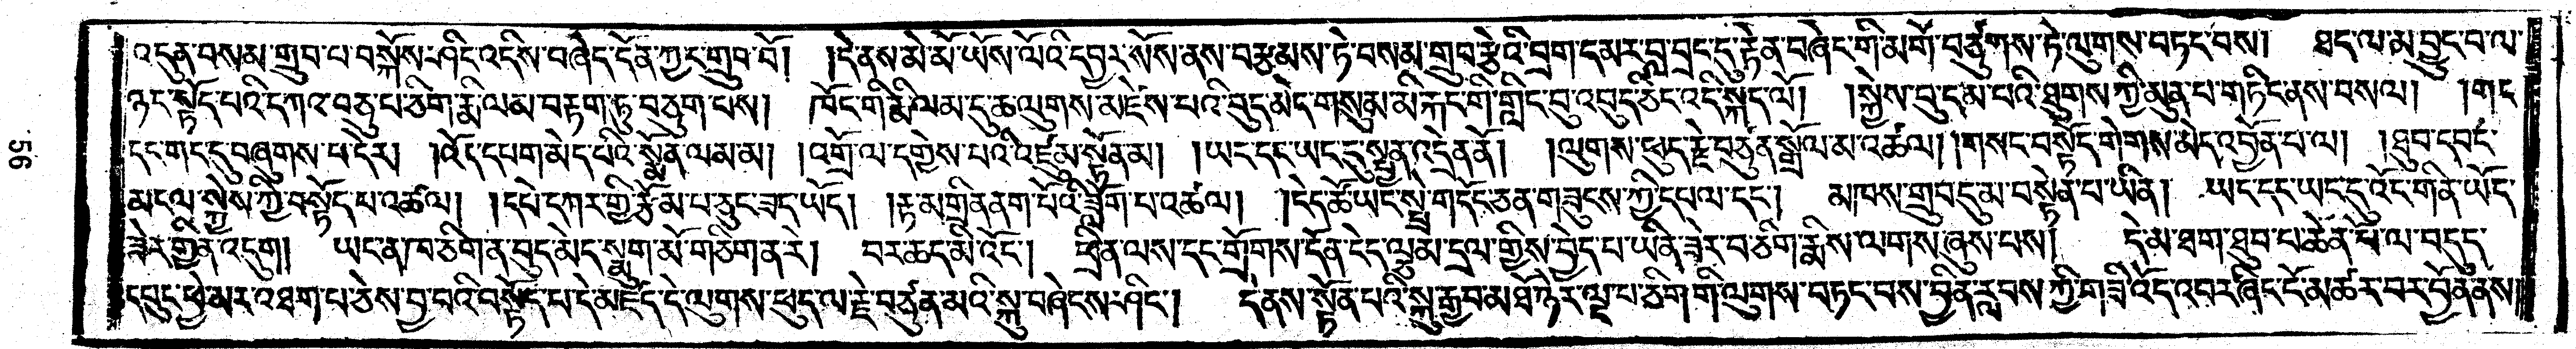འདུན་བསམ་གྲུབ་པ་བསྐོས་ཤིང་འདིས་བཞེད་དོན་ཀྱང་གྲུབ་བོ། །དེ་ནས་མེ་མོ་ཡོས་ལོའི་དབྱར་སོས་ནས་བརྩམས་ཏེ་བསམ་གྲུབ་རྩེའི་བྲག་དམར་བླ་བྲང་དུ་རྟེན་བཞེང་གི་མགོ་བཙུགས་ཏེ་ལུགས་བཏང་བས། ཐད་ལ་མ་བྱུང་བ་ལ་
ཉད་སྟོད་པའི་དཀའ་བཅུ་པ་ཅིག་རྨི་ལམ་བརྟག་ཏུ་བཅུག་པས། ཁོང་གི་རྨི་ལམ་དུ་ཆ་ལུགས་མཛེས་པའི་བུད་མེད་གསུམ་མི་རྐང་གི་གླིང་བུ་འབུད་ཅིང་འདི་སྐད་ལོ། །སྐྱེས་བུ་དམ་པའི་ཐུགས་ཀྱི་མུན་པ་གཏིང་ནས་བསལ། །གང་
དང་གང་དུ་བཞུགས་པ་དེར། །འོད་དཔག་མེད་པའི་སྨོན་ལམ་མ། །འགྲོ་ལ་དགྱེས་པའི་འཛུམ་སྟོན་མ། །ཡང་དང་ཡང་དུ་སྤྱན་འདྲེན་ནོ། །ལུགས་ཕུད་རྗེ་བཙུན་སྒྲོལ་མ་འཚལ། །གསང་བསྟོད་གེགས་མེད་འབྱོན་པ་ལ། །ཐུབ་དབང་
མངལ་སྐྱེས་ཀྱི་བསྟོད་པ་འཚལ། །དཔེ་དཀར་གྱི་རྩོམ་པ་ཅུང་ཟད་ཡོད། །རྟ་མགྲིན་ནག་པོའི་ཟློག་པ་འཚལ། །ངེད་ཚོ་ཡང་སྤྲེ་གདོང་ཅན་གཟུངས་ཀྱི་དཔལ་དང་། མཁས་གྲུབ་དུ་མ་བསྟེན་པ་ཡིན། ཡང་དང་ཡང་དུ་འོང་གིན་ཡོད་
ཟེར་གྱིན་འདུག། ཡང་ན་ཁ་ཅིག་ན་བུད་མེད་སྨུག་མོ་གཅིག་ན་རེ། བར་ཆད་མི་འོང་། ཕྲིན་ལས་དང་གྲོགས་དོན་ངེད་ལྕམ་དྲལ་གྱིས་བྱེད་པ་ཡིན་ཟེར་བ་ཅིག་རྨིས་ལགས་ཞུས་པས། དེ་མ་ཐག་ཐུབ་པ་ཆེན་པོ་ལ་བདུད་
དཔུང་ཕྱེ་མར་འཐག་པ་ཅེས་བྱ་བའི་བསྟོད་པ་དེ་མཛད་དེ་ལུགས་ཕུད་ལ་རྗེ་བཙུན་མའི་སྐུ་བཞེངས་ཤིང་། དེ་ནས་སྟོན་པའི་སྐུ་རྒྱབ་མཐོ་ཉེར་ལྔ་པ་ཅིག་གི་ལུགས་བཏང་བས་བྱིན་རླབས་ཀྱི་གཟི་འོད་འབར་ཞིང་ངོ་མཚར་བར་བྱོན་ནས།